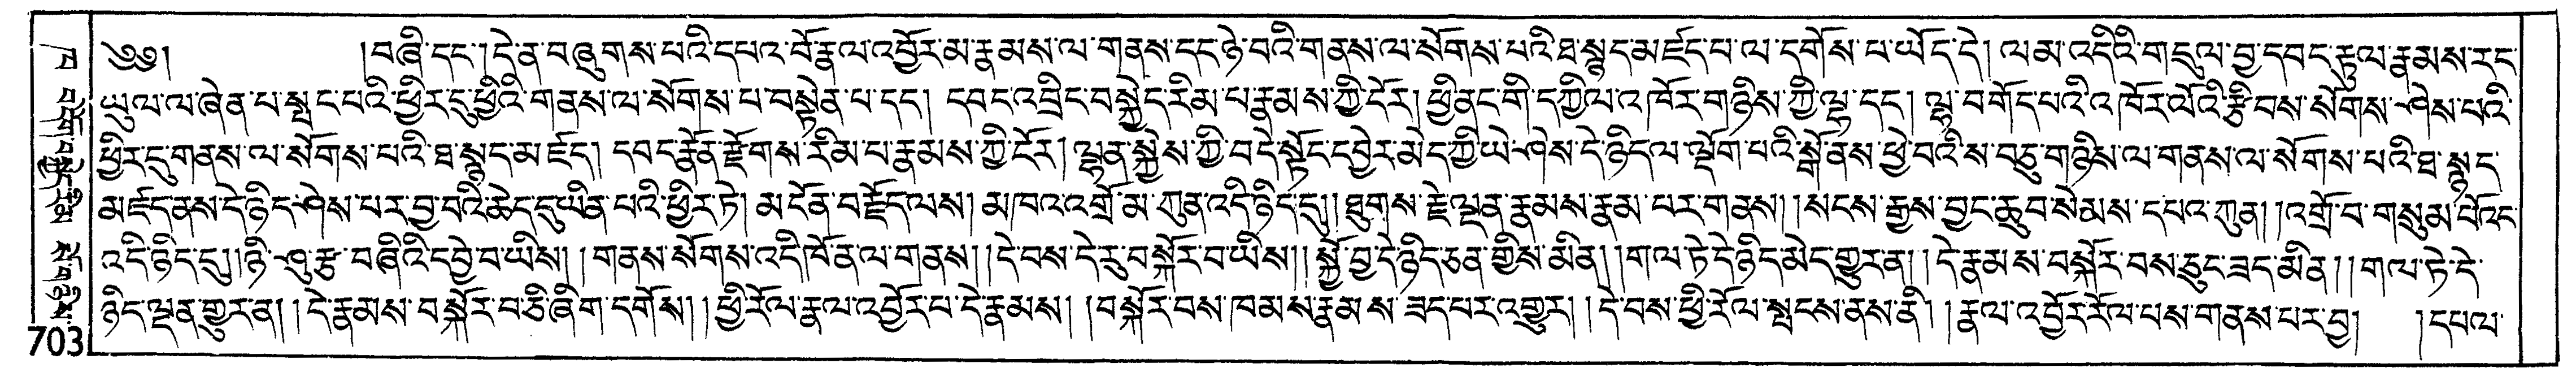༄༅། །བཞི་དང་། དེ་ན་བཞུགས་པའི་དཔའ་བོ་རྣལ་འབྱོར་མ་རྣམས་ལ་གནས་དང་ཉེ་བའི་གནས་ལ་སོགས་པའི་ཐ་སྙད་མཛད་པ་ལ་དགོས་པ་ཡོད་དེ། ལམ་འདིའི་གདུལ་བྱ་དབང་རྟུལ་རྣམས་རང་
ཡུལ་ལ་ཞེན་པ་སྤང་པའི་ཕྱིར་དུ་ཕྱིའི་གནས་ལ་སོགས་པ་བསྟེན་པ་དང་། དབང་འབྲིང་བསྐྱེད་རིམ་པ་རྣམས་ཀྱི་དོར། ཕྱི་ནང་གི་དཀྱིལ་འཁོར་གཉིས་ཀྱི་ལྷ་དང་། ལྷ་བགོད་པའི་འཁོར་ལོའི་རྩིབས་སོགས་ཤེས་པའི་
ཕྱིར་དུ་གནས་ལ་སོགས་པའི་ཐ་སྙད་མཛད། དབང་རྣོན་རྫོགས་རིམ་པ་རྣམས་ཀྱི་ངོར། ལྷན་སྐྱེས་ཀྱི་བདེ་སྟོང་དབྱེར་མེད་ཀྱི་ཡེ་ཤེས་དེ་ཉིད་ལ་ལྡོག་པའི་སྒོ་ནས་ཕྱེ་བའི་ས་བཅུ་གཉིས་ལ་གནས་ལ་སོགས་པའི་ཐ་སྙད་
མཛད་ནས་དེ་ཉིད་ཤེས་པར་བྱ་བའི་ཆེད་དུ་ཡིན་པའི་ཕྱིར་ཏེ། མངོན་བརྗོད་ལས། མཁའ་འགྲོ་མ་ཀུན་འདི་ཉིད་དུ། །ཐུགས་རྗེ་ལྡན་རྣམས་རྣམ་པར་གནས། །སངས་རྒྱས་བྱང་ཆུབ་སེམས་དཔའ་ཀུན། །འགྲོ་བ་གསུམ་པོའང་
འདི་ཉིད་དུ། །ཉི་ཤུ་རྩ་བཞིའི་དབྱེ་བ་ཡིས། །གནས་སོགས་འདི་ཁོ་ན་ལ་གནས། །དེ་བས་དེ་རུ་བསྐོར་བ་ཡིས། །སྐྱོ་བྱ་དེ་ཉིད་ཅན་གྱིས་མིན། །གལ་ཏེ་དེ་ཉིད་མེད་གྱུར་ན། །དེ་རྣམས་བསྐོར་བས་ཅུང་ཟད་མིན། །གལ་ཏེ་དེ་
ཉིད་ལྡན་གྱུར་ན། །དེ་རྣམས་བསྐོར་བ་ཅི་ཞིག་དགོས། །ཕྱི་རོལ་རྣལ་འབྱོར་པ་དེ་རྣམས། །བསྐོར་བས་ཁམས་རྣམས་ཟད་པར་འགྱུར། །དེ་བས་ཕྱི་རོལ་སྤངས་ནས་ནི། །རྣལ་འབྱོར་རོལ་པས་གནས་པར་བྱ། །དཔལ་